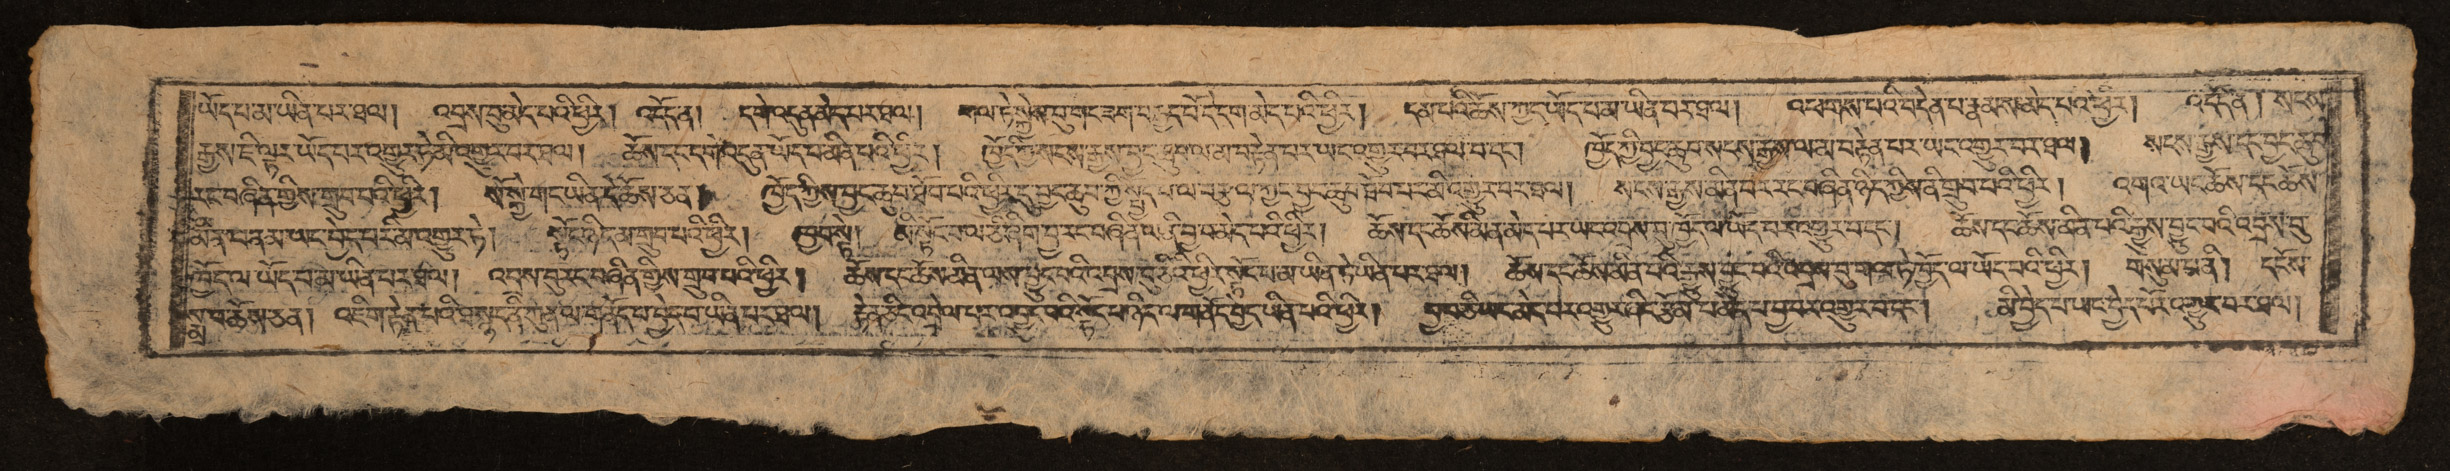ཡོད་པ་མ་ཡིན་པར་ཐལ། འབྲས་བུ་མེད་པའི་ཕྱིར། འདོད་ན། དགེ་འདུན་མེད་པར་ཐལ། གལ་ཏེ་སྐྱེས་བུ་གང་ཟག་བརྒྱད་པོ་དེ་དག་མེད་པའི་ཕྱིར། དམ་པའི་ཆོས་ཀྱང་ཡོད་པ་མ་ཡིན་པར་ཐལ། འཕགས་པའི་བདེན་པ་རྣམས་མེད་པའི་ཕྱིར། འདིད་ན། སངས་
རྒྱས་ཇི་ལྟར་ཡོད་པར་འགྱུར་ཏེ་མི་འགྱུར་བར་ཐལ། ཆོས་དང་དགེ་འདུན་ཡོད་པ་མིན་པའི་ཕྱིར། ཁྱོད་ཀྱི་སངས་རྒྱས་བྱང་ཆུབ་ལ་མ་བརྟེན་པར་ཡང་འགྱུར་བར་ཐལ་བ་དང་། ཁྱོད་ཀྱི་བྱང་ཆུབ་སངས་རྒྱས་ལ་མ་བརྟེན་པར་ཡང་འགྱུར་བར་ཐལ། སངས་རྒྱས་དང་བྱང་ཆུབ་
རང་བཞིན་གྱིས་གྲུབ་པའི་ཕྱིར། སོ་སྐྱེ་གང་ཡིན་དེ་ཆོས་ཅན། ཁྱོད་ཀྱིས་བྱང་ཆུབ་ཐོབ་པའི་ཕྱིར་དུ་བྱང་ཆུབ་ཀྱི་སྤྱོད་པ་ལ་བརྩལ་ཀྱང་བྱང་ཆུབ་ཐོབ་པར་མི་འགྱུར་བར་ཐལ། སངས་རྒྱས་མིན་པར་རང་བཞིན་ཉིད་ཀྱིས་ནི་གྲུབ་པའི་ཕྱིར། འགའ་ཡང་ཆོས་དང་ཆོས་
མིན་པ་ནམ་ཡང་བྱེད་པར་མི་འགྱུར་ཏེ། སྟོང་ཉིད་མ་གྲུབ་པའི་ཕྱིར། ཁྱབ་སྟེ། མི་སྟོང་པ་ལ་ཅི་ཞིག་བྱ་རང་བཞིན་ལ་ནི་བྱ་བ་མེད་པའི་ཕྱིར། ཆོས་དང་ཆོས་མིན་མེད་པར་ཡང་འབྲས་བུ་ཁྱོད་ལ་ཡོད་པར་འགྱུར་བ་དང་། ཆོས་དང་ཆོས་མིན་པའི་རྒྱུས་བྱུང་བའི་འབྲས་བུ་
ཁྱོད་ལ་ཡོད་བ་མ་ཡིན་པར་ཐལ། འབྲས་བུ་རང་བཞིན་གྱིས་གྲུབ་པའི་ཕྱིར། ཆོས་དང་ཆོས་མིན་ལས་བྱུང་བའི་འབྲས་བུ་ཅིའི་ཕྱིར་སྟོང་པ་མ་ཡིན་ཏེ་ཡིན་པར་ཐལ། ཆོས་དང་ཆོས་མིན་པའི་རྒྱུས་བྱུང་བའི་འབྲས་བུ་གལ་ཏེ་ཁྱོད་ལ་ཡོད་པའི་ཕྱིར། གསུམ་པ་ནི། དངོས་
སྨྲ་བ་ཆོས་ཅན། འཇིག་རྟེན་པའི་ཐ་སྙད་ནི་ཀུན་ལ་གནོད་པ་བྱེད་པ་ཡིན་པར་ཐལ། རྟེན་ཅིང་འབྲེལ་པར་འབྱུང་བའི་སྟོང་པ་ཉིད་ལ་གནོད་བྱེད་ཡིན་པའི་ཕྱིར། བྱ་བ་ཅི་ཡང་མེད་པར་འགྱུར་ཞིང་རྩོམ་པ་མེད་པ་བྱ་བར་འགྱུར་བ་དང་། མི་བྱེད་པ་ཡང་བྱེད་པོར་འགྱུར་བར་ཐལ།